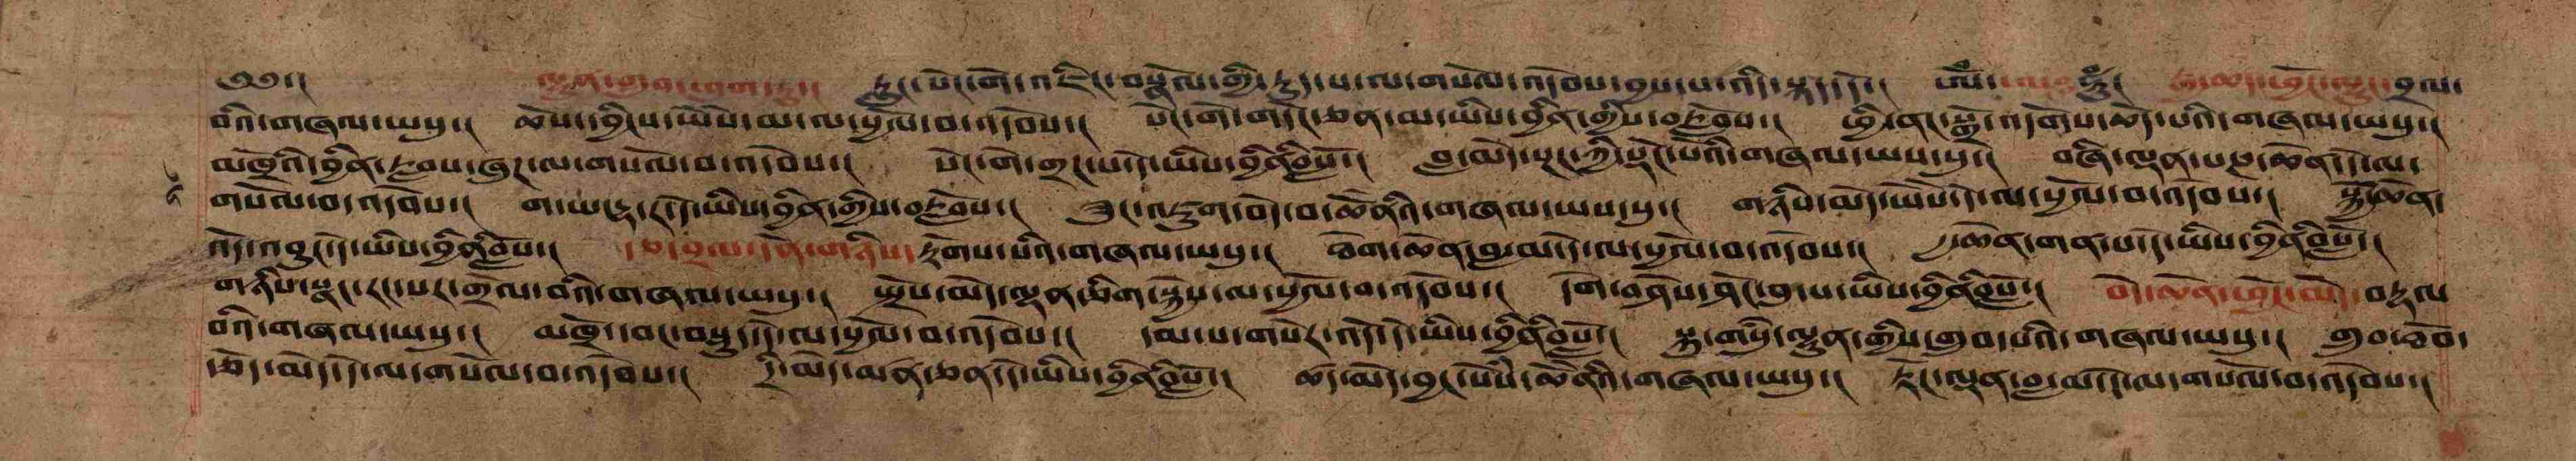༄༅་། ལྷུན་གྲུབ་ཕུག་ཏུ། རླུང་སེང་གེ་འཇིང་བསྣོལ་གྱི་རྒྱུད་པ་ལ་གསོལ་འདེབས་བྱས་པ་འདི་སྐད་དོ། ཨོཾ་ཨཿཧཱུཾ། རྒྱ་ཆད་ཕྱོགས་ལྷུང་བྲལ་
བའི་གཞལ་ཡས་སུ། ཆོས་དབྱིངས་ཡེ་ཤེས་་མ་ལ་གསོལ་བ་འདེབས། སེང་གེ་གདེང་ཅན་མ་ཡིས་བྱིན་གྱིས་བརློབས། ཕྱི་ནང་སྒྲོ་འདོགས་ཆོད་པའི་གཞལ་ཡས་སུ། 
མཁའ་འགྲོའི་བྱིན་རླབས་ཞུགས་ལ་གསོལ་བ་འདེབས། སེང་གེ་གྲགས་པ་དེ་ཡིས་བྱིན་གྱིས་བརློབས། བླ་མེད་སྔགས་ཀྱི་སྡོང་པའི་གཞལ་ཡས་སུ། བཞི་ལྡན་པཎ་ཆེན་དེ་ལ་
གསོལ་བ་འདེབས། ག་ཡ་དྷ་དེ་ཡིས་བྱིན་གྱིས་བརློབས། ཟུང་འཇུག་བདེ་བ་ཆེན་པོའི་གཞལ་ཡས་སུ། གཉིས་མེད་ཡེ་ཤེས་དེ་ལ་གསོལ་བ་འདེབས། སྐྱོ་ཆེན་
འོད་འབྱུང་དེ་ཡིས་བྱིན་གྱིས་རློབས། རྩ་བྲལ་དོན་གཉིས་རྟོགས་པའི་གཞལ་ཡས་སུ། ཐེག་ཆེན་བླ་མ་དེ་ལ་གསོལ་བ་འདེབས། རྒྱ་ཆེན་གན་པ་དེ་ཡིས་བྱིན་གྱིས་བརློབས། 
གཉིས་སྣང་རང་སར་གྲོལ་བའི་གཞལ་ཡས་སུ། སྤྲོས་མེད་ལྷན་ཅིག་སྐྱེས་ལ་གསོལ་བ་འདེབས། དགེ་བཤེས་ཤོང་བུ་ས་ཡིས་བྱིན་གྱིས་བརློབས།བདེ་ཆེན་ཕྱོགས་མེད་བརྡོལ་
བའི་གཞལ་ཡས་སུ། མཁའ་འགྲོ་དབང་བསྡུད་དེ་ལ་གསོལ་བ་འདེབས། དམ་པ་གསེར་འོད་དེ་ཡིས་བྱིན་གྱིས་བརློབས། སྐུ་གསུམ་ལྷུན་གྱིས་གྲུབ་པའི་གཞལ་ཡས་སུ། གྲུབ་ཐོབ་
རྩོད་མེད་དེ་ལ་གསོལ་བ་འདེབས། དྲི་མེད་མཚན་ཅན་དེ་ཡིས་བྱིན་གྱིས་བརློབས། ཚད་མེད་བྱང་སེམས་ཆེན་པོའི་གཞལ་ཡས་སུ། རྟོགས་ལྡན་བླ་མ་དེ་ལ་གསོལ་བ་འདེབས།